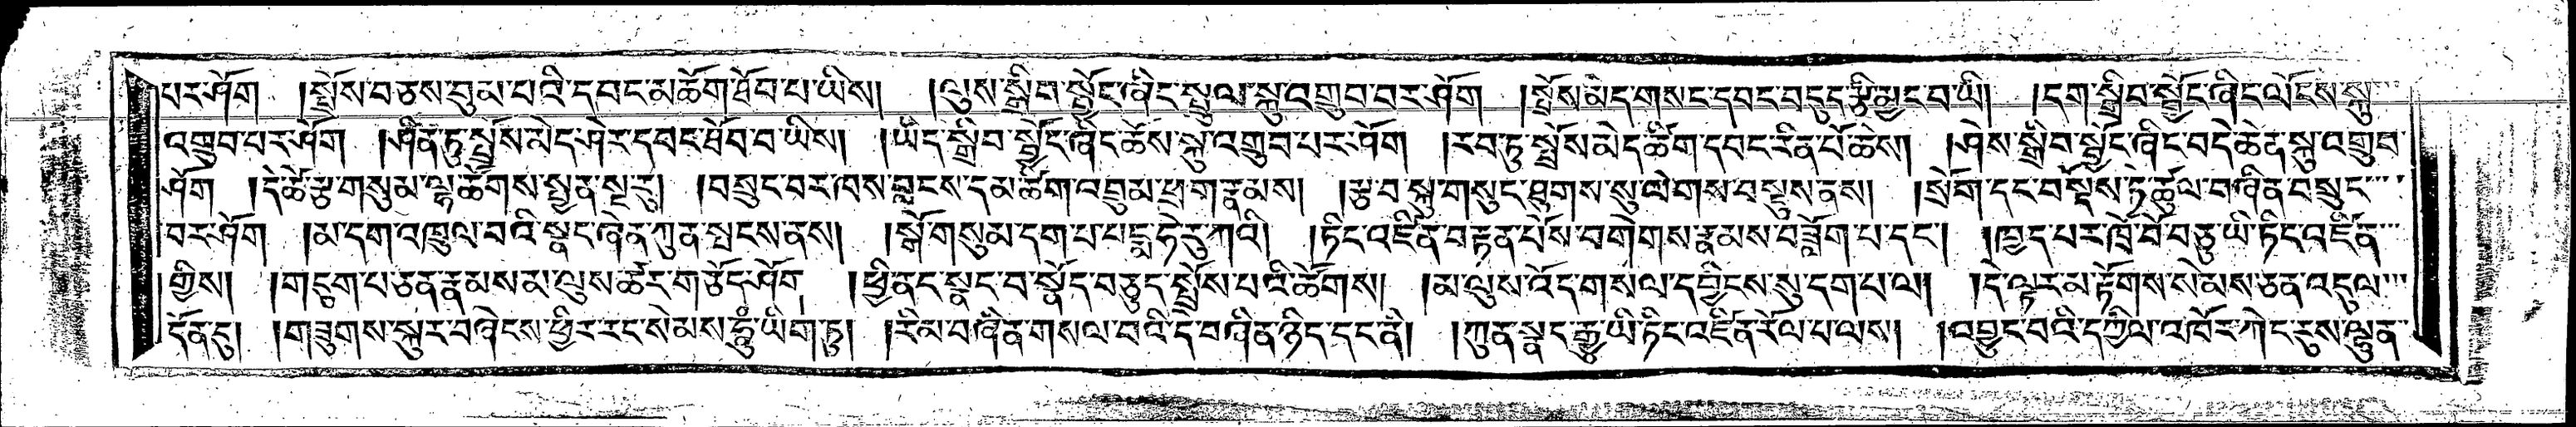པར་ཤོག །སྤྲོས་བཅས་བུམ་པའི་དབང་མཆོག་ཐོབ་པ་ཡིས། །ལུས་སྒྲིབ་སྦྱོང་ཞིང་སྤྲུལ་སྐུ་འགྲུབ་པར་ཤོག །སྤྲོས་མེད་གསང་དབང་བདུད་རྩི་མྱང་བ་ཡི། །དག་སྒྲིབ་སྦྱོང་ཞིང་ལོངས་སྐུ་
འགྲུབ་པར་ཤོག །ཤིན་ཏུ་སྤྲོས་མེད་ཤེར་དབང་ཐོབ་པ་ཡིས། །ཡིད་སྒྲིབ་སྦྱོང་ཞིང་ཆོས་སྐུ་འགྲུབ་པར་ཤོག །རབ་ཏུ་སྤྲོས་མེད་ཚིག་དབང་རིན་པོ་ཆེས། །ཤེས་སྒྲིབ་སྦྱོང་ཞིང་བདེ་ཆེན་སྐུ་འགྲུབ་
ཤོག །དེ་ཚེ་རྩ་གསུམ་ལྷ་ཚོགས་སྤྱན་སྔ་རུ། །བསྲུང་བར་ཁས་བླངས་དམ་ཚིག་འབྲུམ་ཕྲག་རྣམས། །རྩ་བ་སྐུ་གསུང་ཐུགས་སུ་ལེགས་བསྡུས་ནས། །སྲོག་དང་བསྡོས་ཏེ་ཚུལ་བཞིན་བསྲུང་
བར་ཤོག །མ་དག་འཁྲུལ་བའི་སྣང་ཞེན་ཀུན་སྤངས་ནས། །སྒོ་གསུམ་དག་པ་པདམ་ཧེ་རུ་ཀའི། །ཏིང་འཛིན་བརྟན་པོས་བགེགས་རྣམས་བཟློག་པ་དང་། །ཁྱད་པར་ཁྲོ་བོ་བཅུ་ཡི་ཏིང་འཛིན་
གྱིས། །གདུག་པ་ཅན་རྣམས་མ་ལུས་ཚར་གཅོད་ཤོག །ཕྱི་ནང་སྣང་བ་སྣོད་བཅུད་སྤྲོས་པའི་ཚོགས། །མ་ལུས་འོད་གསལ་དབྱིངས་སུ་དག་པ་ལ། །དེ་ལྟར་མ་རྟོགས་སེམས་ཅན་འདུལ་
དོན་དུ། །གཟུགས་སྐུར་བཞེངས་ཕྱིར་རང་སེམས་ཧཱུཾ་ཡིག་ཏུ། །རིམ་བཞིན་གསལ་བའི་དེ་བཞིན་ཉིད་དང་ནི། །ཀུན་སྣང་རྒྱུ་ཡི་ཏིང་འཛིན་རོལ་པ་ལས། །འབྱུང་བའི་དཀྱིལ་འཁོར་ཀེང་རུས་ལྷུན་